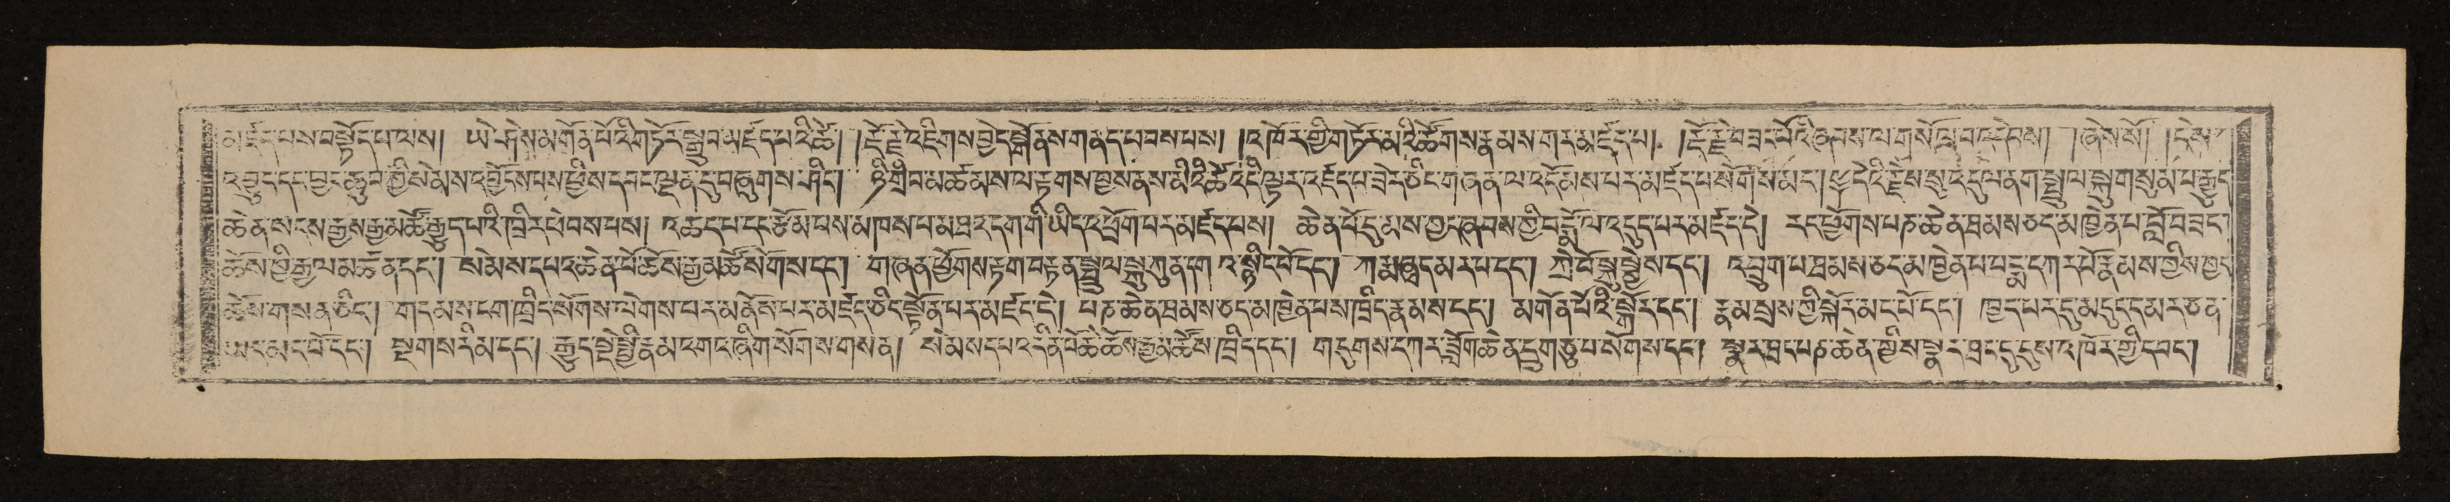མཛད་པས་བསྟོད་པ་ལས། ཡེ་ཤེས་མགོན་པོའི་གཏོར་སྒྲུབ་མཛད་པའི་ཚེ། །རྡོ་རྗེ་འཇིགས་བྱེད་སྒོ་ནས་གནད་ཕབས་པས། །འཁོར་གྱི་གཏོར་མའི་ཚོགས་རྣམས་གར་མཛད་པ། །རྡོ་རྗེ་བཟང་པོའི་ཞབས་ལ་གསོལ་བ་འདེབས། །ཞེས་སོ། །ངེས་
འབྱུང་དང་བྱང་ཆུབ་ཀྱི་སེམས་འབྱོངས་པས་ཕྱིས་དབང་ལྡན་དུ་བཞུགས་ཤིང་། ཉི་གྲིབ་མཚམས་ལ་རྟགས་བྱས་ནས་མིའི་ཚེ་འདི་ལྟར་འཛད་པ་ཟེར་ཅིང་གཞན་ལ་འདོམས་པར་མཛད་པ་སོགས་མང་། ༈ དེའི་རྗེས་སུ་འདུལ་ནག་སྤྲུལ་སྐུ་གསུམ་པ་རྒྱུད་
ཆེན་སངས་རྒྱས་རྒྱ་མཚོ་རྒྱུད་པའི་ཁྲིར་ཕེབས་པས། འཆད་པ་དང་རྩོམ་པས་མཁས་པ་མཐའ་དག་གི་ཡིད་འཕྲོག་པར་མཛད་པས། ཆེན་པོ་དུ་མས་ཀྱང་ཞབས་ཀྱི་པདམོ་ལ་འདུད་པར་མཛད་དེ། རང་ཕྱོགས་པཎ་ཆེན་ཐམས་ཅད་མཁྱེན་པ་བློ་བཟང་
ཆོས་ཀྱི་རྒྱལ་མཚན་དང་། སེམས་དཔའ་ཆེན་པོ་ཆོས་རྒྱ་མཚོ་སོགས་དང་། གཞན་ཕྱོགས་རྟག་བརྟན་སྤྲུལ་སྐུ་ཀུན་དགའ་སྙིང་པོ་དང་། ཀརྨ་ཞྭ་དམར་པ་དང་། ཀྲེ་བོ་སྐུ་སྐྱེས་དང་། འབྲུག་པ་ཐམས་ཅད་མཁྱེན་པ་པདམ་དཀར་པོ་རྣམས་ཀྱིས་ཀྱང་
ཆོས་གསན་ཅིང་། གདམས་ངག་ཁྲིད་སོགས་ལེགས་པར་མནོས་པར་མཛད་ཅིང་སྟོན་པར་མཛད་དེ། པཎ་ཆེན་ཐམས་ཅད་མཁྱེན་པས་ཁྲིད་རྣམས་དང་། མགོན་པོའི་སྐོར་དང་། རྣམ་སྲས་ཀྱི་སྐོར་མང་པོ་དང་། ཁྱད་པར་དུ་མདུང་དམར་ཅན་
ཡང་མང་པོ་དང་། སྔགས་རིམ་དང་། རྒྱུད་སྡེ་སྤྱི་རྣམ་འགའ་ཞིག་སོགས་གསན། སེམས་དཔའ་རིན་པོ་ཆེ་ཆོས་རྒྱ་མཚོས་ཁྲིད་དང་། གདུགས་དཀར་ཟློག་ཆེན་དྲུག་ཅུ་པ་སོགས་དང་། སྣར་ཐང་པཎ་ཆེན་གྱིས་སྣར་ཐང་དུ་དུས་འཁོར་གྱི་དབང་།